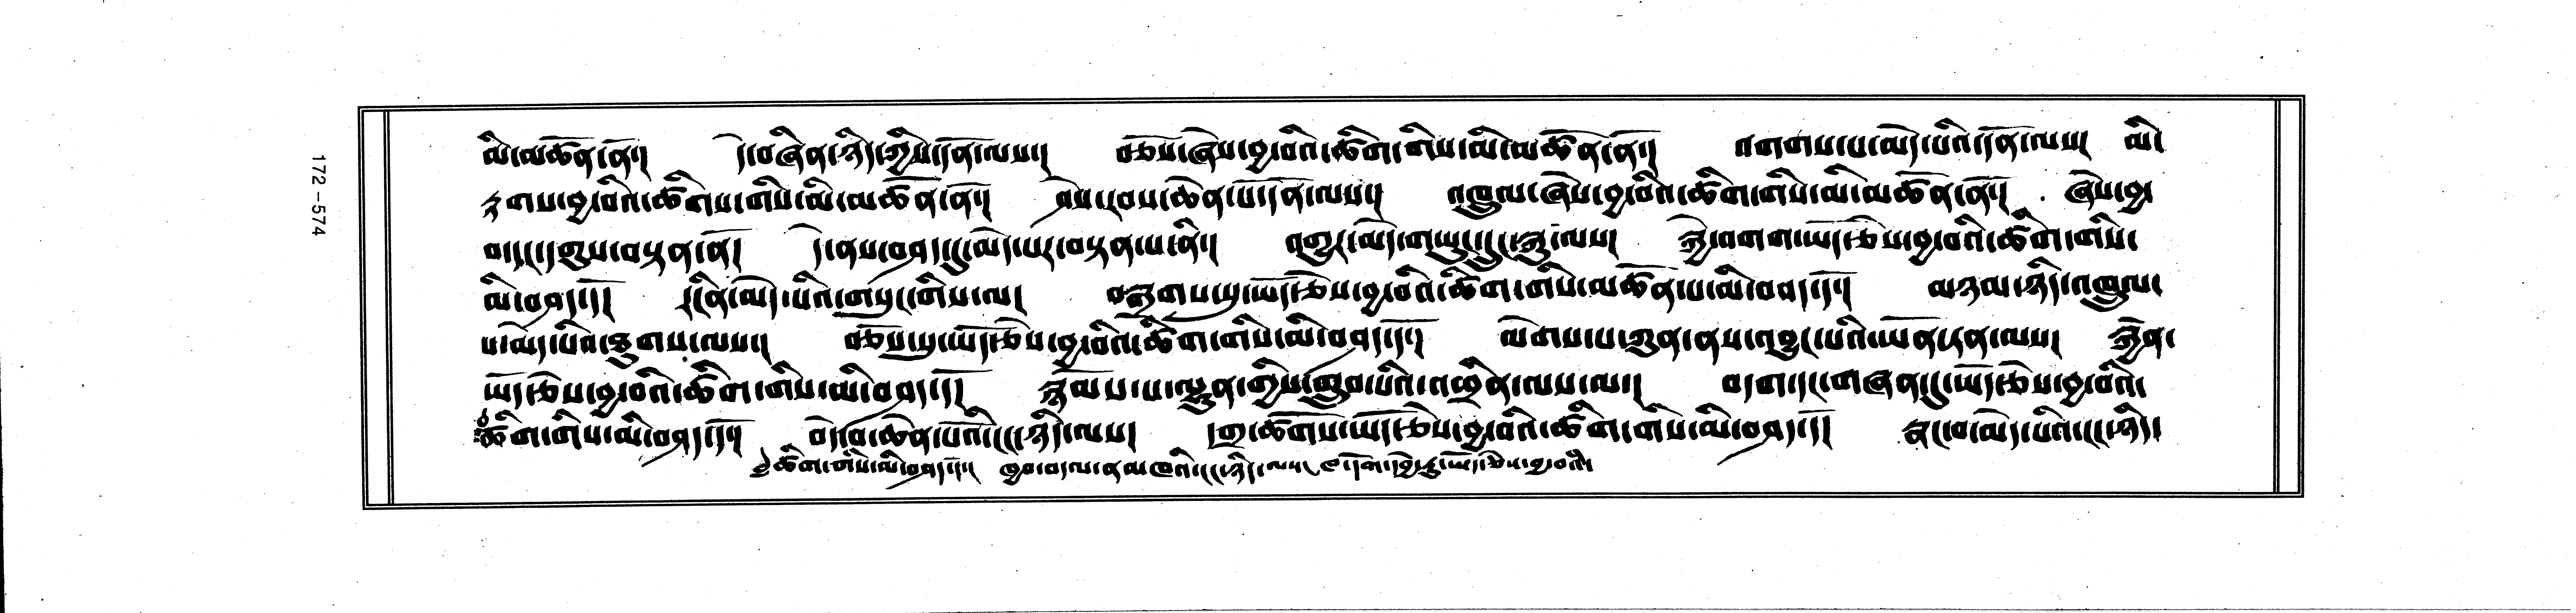མི་མཚོན་ནོ། དེ་བཞིན་ཉིད་ཀྱིས་དོན་ལས། བཅོས་ཞེས་བྱ་བའི་ཚིག་གིས་མི་མཚོན་ནོ། བགགས་པ་མེད་པའི་དོན་ལས། མི་
རྟག་བྱ་བའི་ཚིག་གིས་མི་མཚོན་ནོ། ཤེས་རབ་ཆེན་པོ་དོན་ལས། འཁྲུལ་ཞེས་བྱ་བའི་ཚིག་གིས་མི་མཚོན་ནོ། ཞེས་བྱ་
བ་དང་དགུས་བསྟན་ནོ། དེ་ནས་བཤད་དུ་མེད་པར་བསྟན་པ་ནི། འགྱུར་མེད་གཡུང་དྲུང་སྐུ་ལས། སྐྱེ་འགག་ཡོད་ཅེས་བྱ་བའི་ཚིག་གིས་
མི་བཤད་དོ། རང་བཞིན་མེད་པའི་གསུང་གིས་ལ། བསྒྲགས་སུ་ཡོད་ཅེས་བྱ་བའི་ཚིག་གིས་མཚོན་པ་མི་དབབ་དོ། མཉམ་ཉིད་འཁྲུལ་
པ་མེད་པའི་ཐུགས་ལས། བཅོས་སུ་ཡོད་ཅེས་བྱ་བའི་ཚིག་གིས་མི་བཤད་དོ། ལེགས་པ་ཀུན་ནས་འབྱུང་པའི་ཡོན་ཏན་ལས། རྐྱོན་
ཡོད་ཅེས་བྱ་བའི་ཚིག་གིས་མི་བཤད་དོ། སྙོམས་པ་ལྷུན་གྱིས་གྲུབ་པའི་འཕྲིན་ལས་ལ། བདག་དང་གཞན་དུ་ཡོད་ཅེས་བྱ་བའི་
ཚིག་གིས་མི་བཤད་དོ། དགྲ་ཚོགས་ཡོད་ཅེས་བྱ་བའི་ཚིག་གིས་མི་བཤད་དོ། སྣང་བ་མེད་པའི་ངང་ཉིད་
ཚིག་གིས་མི་བཤད་དོ། ཁྱབ་བདལ་ནམ་མཁའི་ངང་ཉིད་ལས། ཁ་དོག་དབྱེ་རུ་ཡོད་ཅེས་བྱ་བའི་ཚིག་གིས་མི་བཤད་དོ།